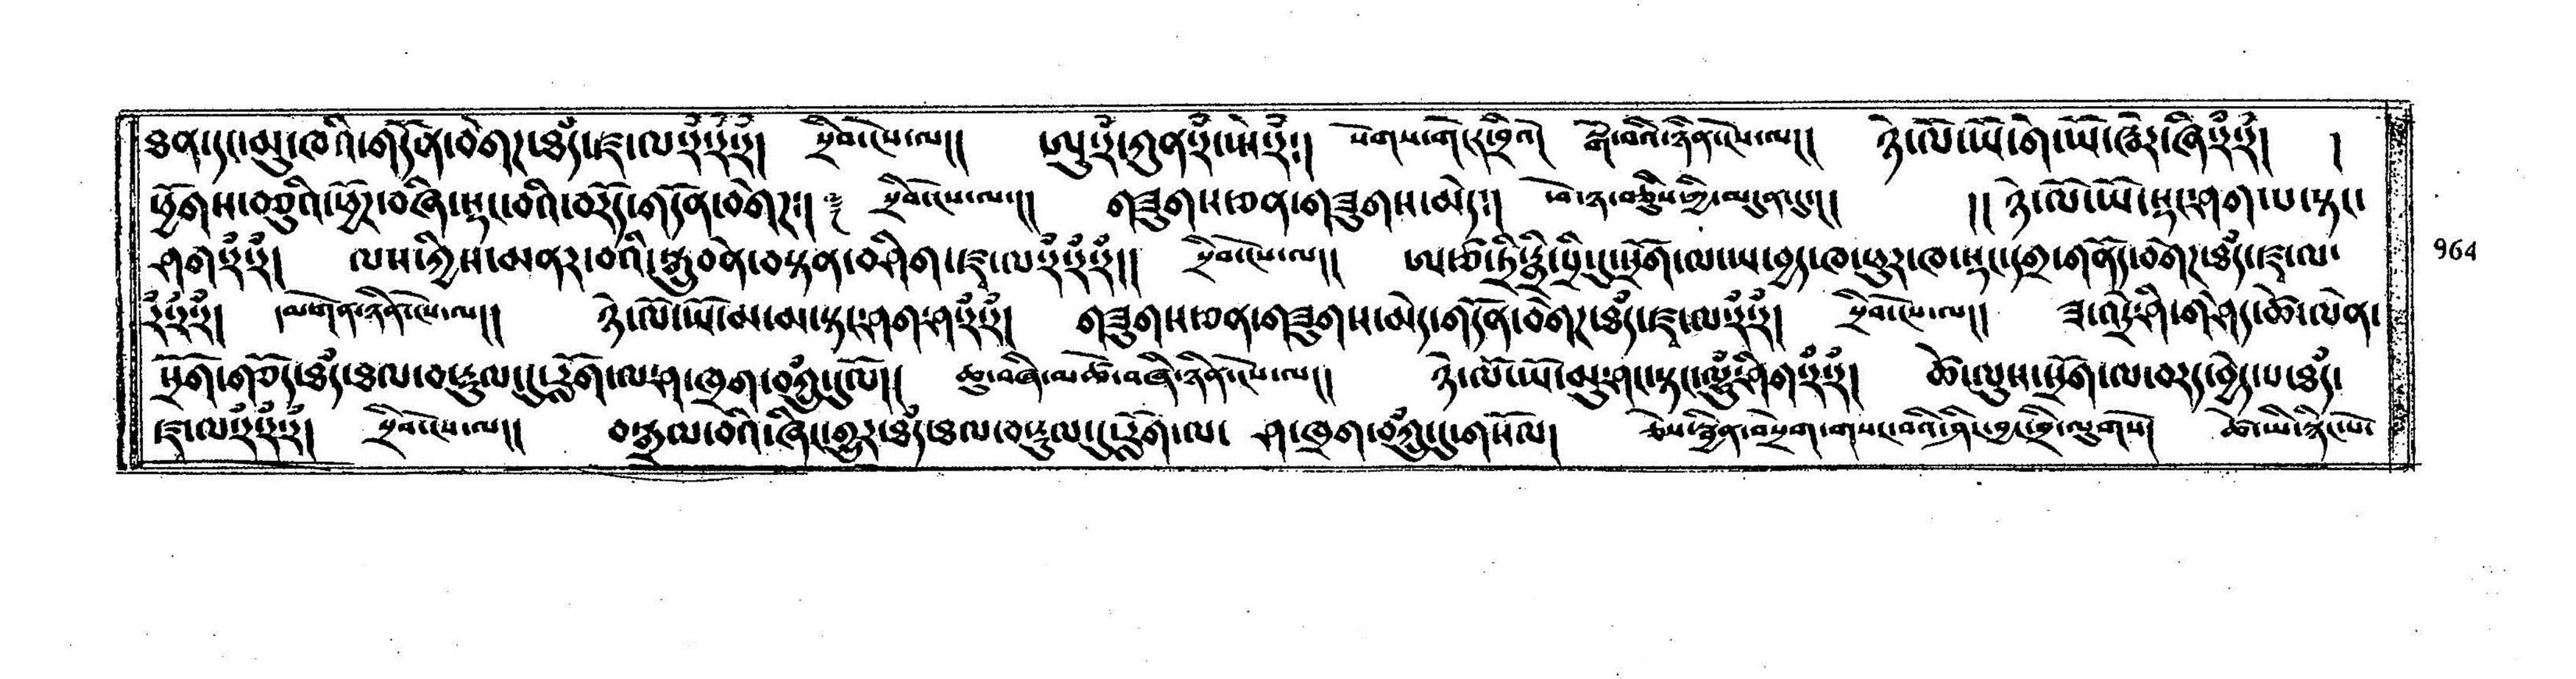ཐན་དང་མུ་ཁའི་གདོན་བགེགས་ཐམས་ཅད་ཛ་ལ་རཾ་རཾ་རཾ། སྲིབ་ངོས་ལ།། ཨུ་རཾ་ཀུན་རཾ་སྤེ་རཾ༴། སོགས་གོང་ལྟར་བྲིའོ། སྒོ་བའི་ཉིན་ངོས་ལ།། ཉེ་ལོ་ཡོ་གེ་ཡོ་ཝེར་ཞི་རཾ་རཾ། 
ཕྱོགས་བཅུའི་ཕྱོགས་བཞི་སྡང་བའི་བར་ཆོད་གདོན་བགེགས༴། ༈ སྲིབ་ངོས་ལ།། གཟུགས་ཅན་གཟུགས་མེད༴། ཕོ་ཉ་བཅུ་གཉིས་ཀྱི་མདུན་དུ།། །།ཉེ་ལོ་ཡོ་སྡང་ཤག་པ་སྟང་
ཤག་རཾ་རཾ། ལས་ཀྱིས་མནར་བའི་སྒྲུབ་གཤེན་བསྟན་བཤིག་ཛྭ་ལ་རཾ་རཾ་རཾ།། སྲིབ་ངོས་ལ།། ཨ་ཙ་ཏྲི་རྣྲི་པྲི་དུ་སྲོག་ལ་ཡ་བྱད་ཁ་ཕུར་ཁ་སྡང་དགྲ་གནོད་བགེགས་ཐམས་ཅད་ཛྭ་ལ་
རཾ་རཾ་རཾ། དམག་དཔོན་ཉིན་ངོས་ལ།། ཉེ་ལོ་ཡོ་མ་མ་སྟང་ཤག་ཤ་རཾ་རཾ། གཟུགས་ཅན་གཟུགས་མེད་གདོན་བགེགས་ཐམས་ཅད་ཛྭ་ལ་རཾ་རཾ། སྲིབ་ངོས་ལ།། ཟ་འདྲེ་ཤི་གཤེད་ཚེ་ལེན་
སྲོག་གཅོད་ཐམས་ཅད་ཐལ་བ་རྡུལ་དུ་རློག་ལ་ཤ་ཁྲག་བཀྲུམ་དུ་གསོལ།། ཆུ་བཞི་མཚོ་བཞི་ཉིན་ངོས་ལ།། ཉེ་ལོ་ཡོ་མུ་ཤང་སྟང་ལྷུམ་ཤིག་རཾ་རཾ། ཚེ་ལུས་སྲོག་ལ་བར་ཆད་བྱེད་པ་ཐམས་ཅད་
ཛ་ལ་རཾ་རཾ་རཾ། སྲིབ་ངོས་ལ།། བསྒྲལ་བའི་ཞིང་གྱུར་ཐམས་ཅད་ཐལ་བ་རྡུལ་དུ་རློག་ལ་ཤ་ཁྲག་བཀྲུམ་དུ་གསོལ། ཅེས་སྦྱིན་བསྲེག་གསང་བའི་ཤིང་བྱང་བྲི་ལུགས་སོ། ཚེ་ཡི་སྙིང་པོ་